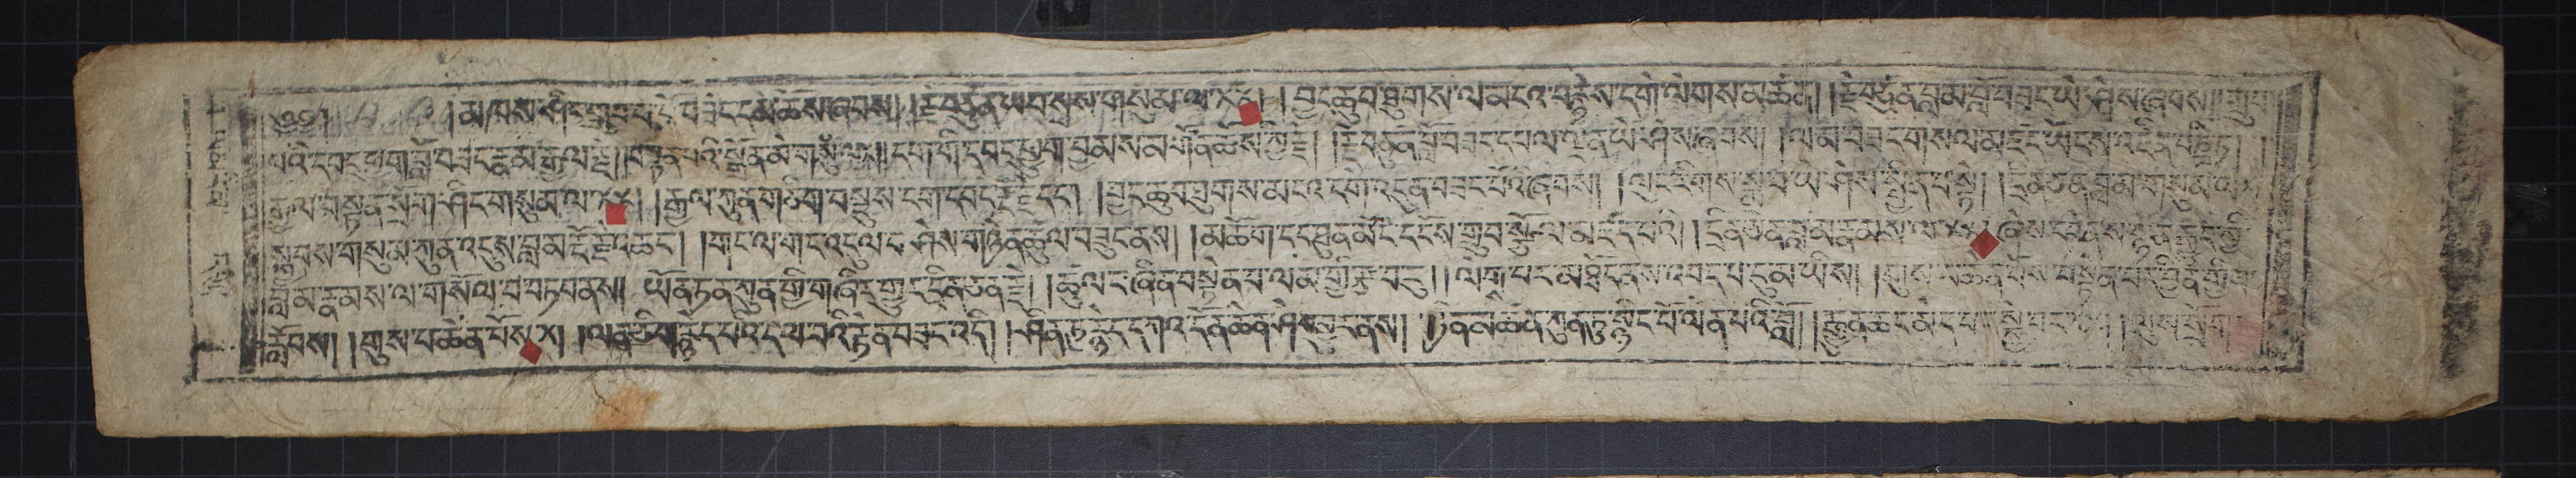༄༅། །མཁས་ཤིང་གྲུབ་པ་བློ་བཟང་དམ་ཆོས་ཞབས། །རྗེ་བཙུན་ཡབ་སྲས་གསུམ་ལ་྾་྾། །བྱང་ཆུབ་ཐུགས་ལ་མངའ་བརྙེས་དགེ་ལེགས་མཚན། །རྗེ་བཙུན་བླ་མ་བློ་བཟང་ཡེ་ཤེས་ཞབས། །གྲུབ་
པའི་དབང་ཕྱུག་བློ་བཟང་རྣམ་རྒྱལ་རྗེ། །བསྟན་པའི་སྒྲོན་མེ་གསུཾ་ལ་྾། །ངག་གི་དབང་ཕྱུག་བྱམས་མགོན་ཆོས་ཀྱི་རྗེ། །རྗེ་བཙུན་བློ་བཟང་དཔལ་ལྡན་ཡེ་ཤེས་ཞབས། །ལམ་བཟང་གསལ་མཛད་ཡོངས་འཛིན་པཎྚི་ཏ་
རྒྱལ་བསྟན་སྲོག་ཤིང་གསུམ་ལ་྾་྾། །རྒྱལ་ཀུན་གཅིག་བསྡུས་ངག་དབང་རྡོ་རྗེ་དང་། །བྱང་ཆུབ་ཐུགས་མངའ་དགེ་འདུན་བཟང་པོའི་ཞབས། །ལུང་རིགས་སྨྲ་བ་ཡེ་ཤེས་སྦྱིན་པ་སྟེ། །དྲིན་ཅན་བླ་མ་གསུམ་ལ་྾་
སྐྱབས་གསུམ་ཀུན་འདུས་བླ་མ་རྡོ་རྗེ་འཆང་། །གང་ལ་གང་འདུལ་བཤེས་གཉེན་ཚུལ་བཟུང་ནས། །མཆོག་དང་ཐུན་མོང་དངོས་གྲུབ་སྩོལ་མཛད་པའི། །དྲན་ཅན་བླ་མ་རྣམས་ལ་྾་྾། ཞེས་དབེན་ས་སྙན་རྒྱུད་ཀྱི་
བླ་མ་རྣམས་ལ་གསོལ་བ་བཏབ་ནས། ཡོན་ཏན་ཀུན་གྱི་གཞིར་གྱུར་དྲིན་ཅན་རྗེ། །ཚུལ་བཞིན་བསྟེན་པ་ལམ་གྱི་རྩ་བ་རུ། །ལེགས་པར་མཐོང་ནས་འབད་པ་དུ་མ་ཡིས། །གུས་པ་ཆེན་པོས་བསྟན་པར་བྱིན་གྱིས་
རློབས། །གུས་པ་ཆེན་པོས་྾། །ལན་ཅིག་རྙེད་པའི་དལ་བའི་རྟེན་བཟང་འདི། །ཤིན་ཏུ་རྙེད་དཀའ་དོན་ཆེན་ཤེས་གྱུར་ནས། །ཉིན་མཚན་ཀུན་ཏུ་སྙིང་པོ་ལེན་པའི་བློ། །རྒྱུན་ཆད་མེད་པར་སྐྱེ་བར་྾་྾། །ལུས་སྲོག་